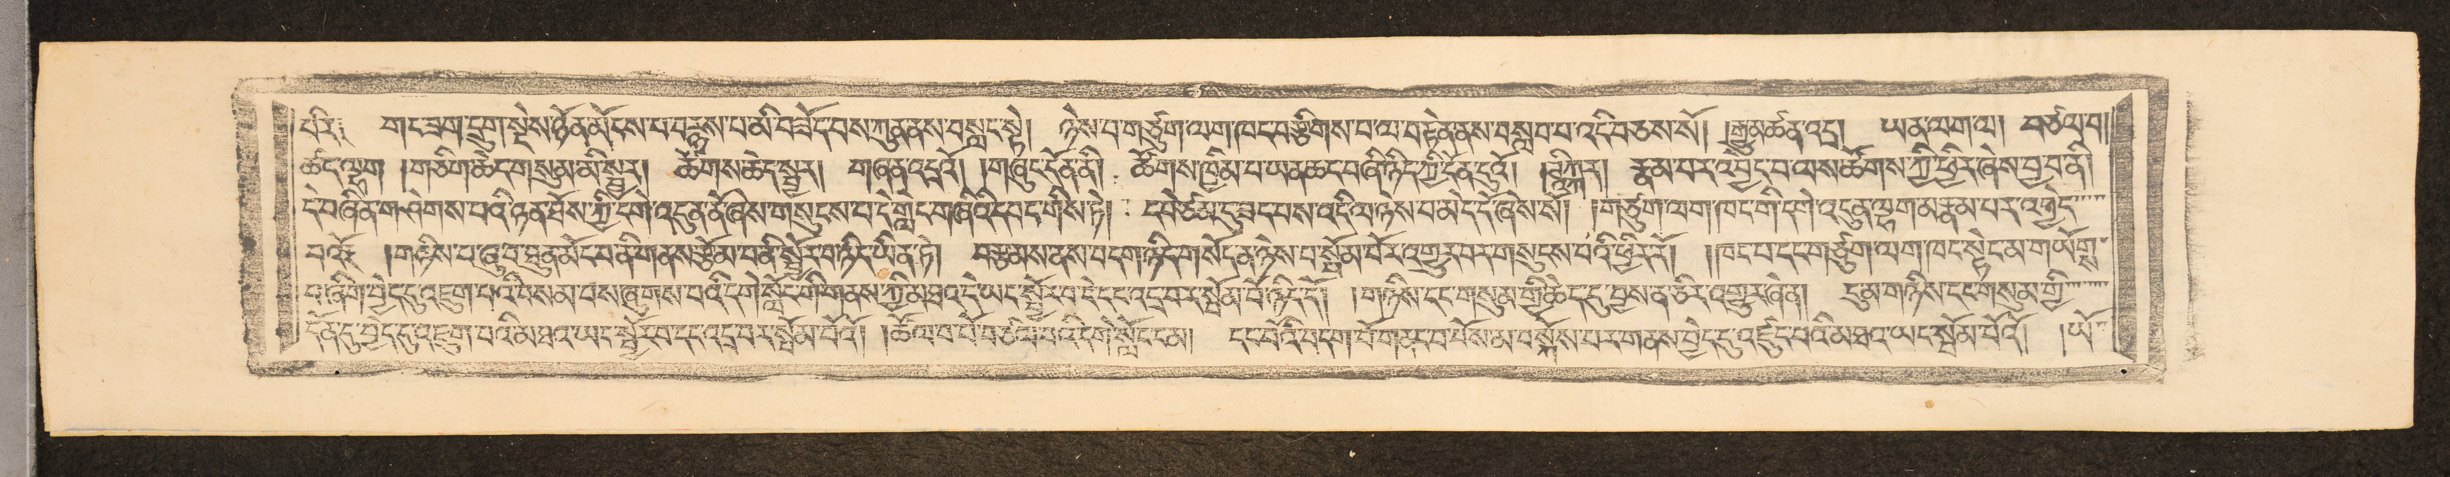པིར༑ གང་ཟག་དྲུག་སྡེས་ཉོན་མོངས་པ་བརྙས་པ་མི་བཟོད་པས་ཀུན་ནས་བསླང་སྟེ། ཉེས་པ་གཙུག་ལག་ཁང་བརྩིགས་པ་ལ་བརྟེན་ནས་བསླབ་བ་འདི་བཅས་སོ། །རྒྱུ་མཚན་འདྲ། ཡན་ལག་ལ། བཙལ་བ།
ཆད་ལྷག །གཅིག་ཆེད་གསུམ་མི་སྦྱར། ཚོགས་ཆེད་སྦྱར། གཞན་འདྲའོ། །གཞུང་དོན་ནི། ཚོགས་ཁྱིམ་པ་ཡན་ཆད་བཞི་ཉིད་ཀྱི་དོན་དུའོ། །ཊཱིཀྐར། རྣམ་པར་འབྱོད་པ་ལས་ཚོགས་ཀྱི་ཕྱིར་ཞེས་བྱ་བ་ནི།
དེ་བཞིན་གཤེགས་པའི་ཉན་ཐོས་ཀྱི་དགེ་འདུན་ནོ་ཞེས་གསུངས་པ་དེ་གླེང་གཞིའི་དབང་གིས་ཏེ། དཔེ་ཙམ་དུ་ཟད་བས་འདི་ལ་ཉེས་པ་མེད་དོ་ཞེས་སོ། །གཙུག་ལག་ཁང་གི་དགེ་འདུན་ལྷག་མ་རྣམ་པར་འབྱེད་
པའོ༑ །གཉིས་པ་ཞུ་བ་ཐུན་མོང་བ་ནི་གནས་རྩོམ་པ་ནི་སྦྱོར་བ་ཉིད་ཡིན་ཏེ། བརྩམས་ནས་བདག་ཉིད་གསོད་ན་ཉེས་པ་སྤོམ་པོར་འགྱུར་བར་གསུངས་པའི་ཕྱིར་རོ། །ཁང་པ་དང་གཙུག་ལག་ཁང་སྟེང་མ་གཡོགས་
པ་ཞིག་བྱེད་དུ་འཇུག་པའི་བསམ་པས་ཞུགས་པའི་དགེ་སློང་གི་གནས་ཀྱི་མཐའ་དེ་ཡང་སྦྱོར་བ་དེ་དང་འདྲ་བར་སྦོམ་བོ་ཉིད་དོ། །གཉིས་དང་གསུམ་གྱི་ཆེད་དུ་བྱས་ན་ཅིར་འགྱུར་ཞེན། དུ་མ་གཉིས་དང་གསུམ་གྱི་
དོན་དུ་བྱེད་དུ་འཇུག་པའི་མཐའ་ཡང་སྦྱོར་བ་དང་འདྲ་བར་སྤོམ་པོའོ། །ཚོལ་པ་པོ་བཙལ་བའི་དགེ་སློང་ངམ། དང་པོའི་བདག་བོ་གནང་བ་པོས་མ་བསྐོས་པར་གནས་བྱེད་དུ་འཛུད་པའི་མཐའ་ཡང་སྦོམ་པོའོ། །ཡོ་